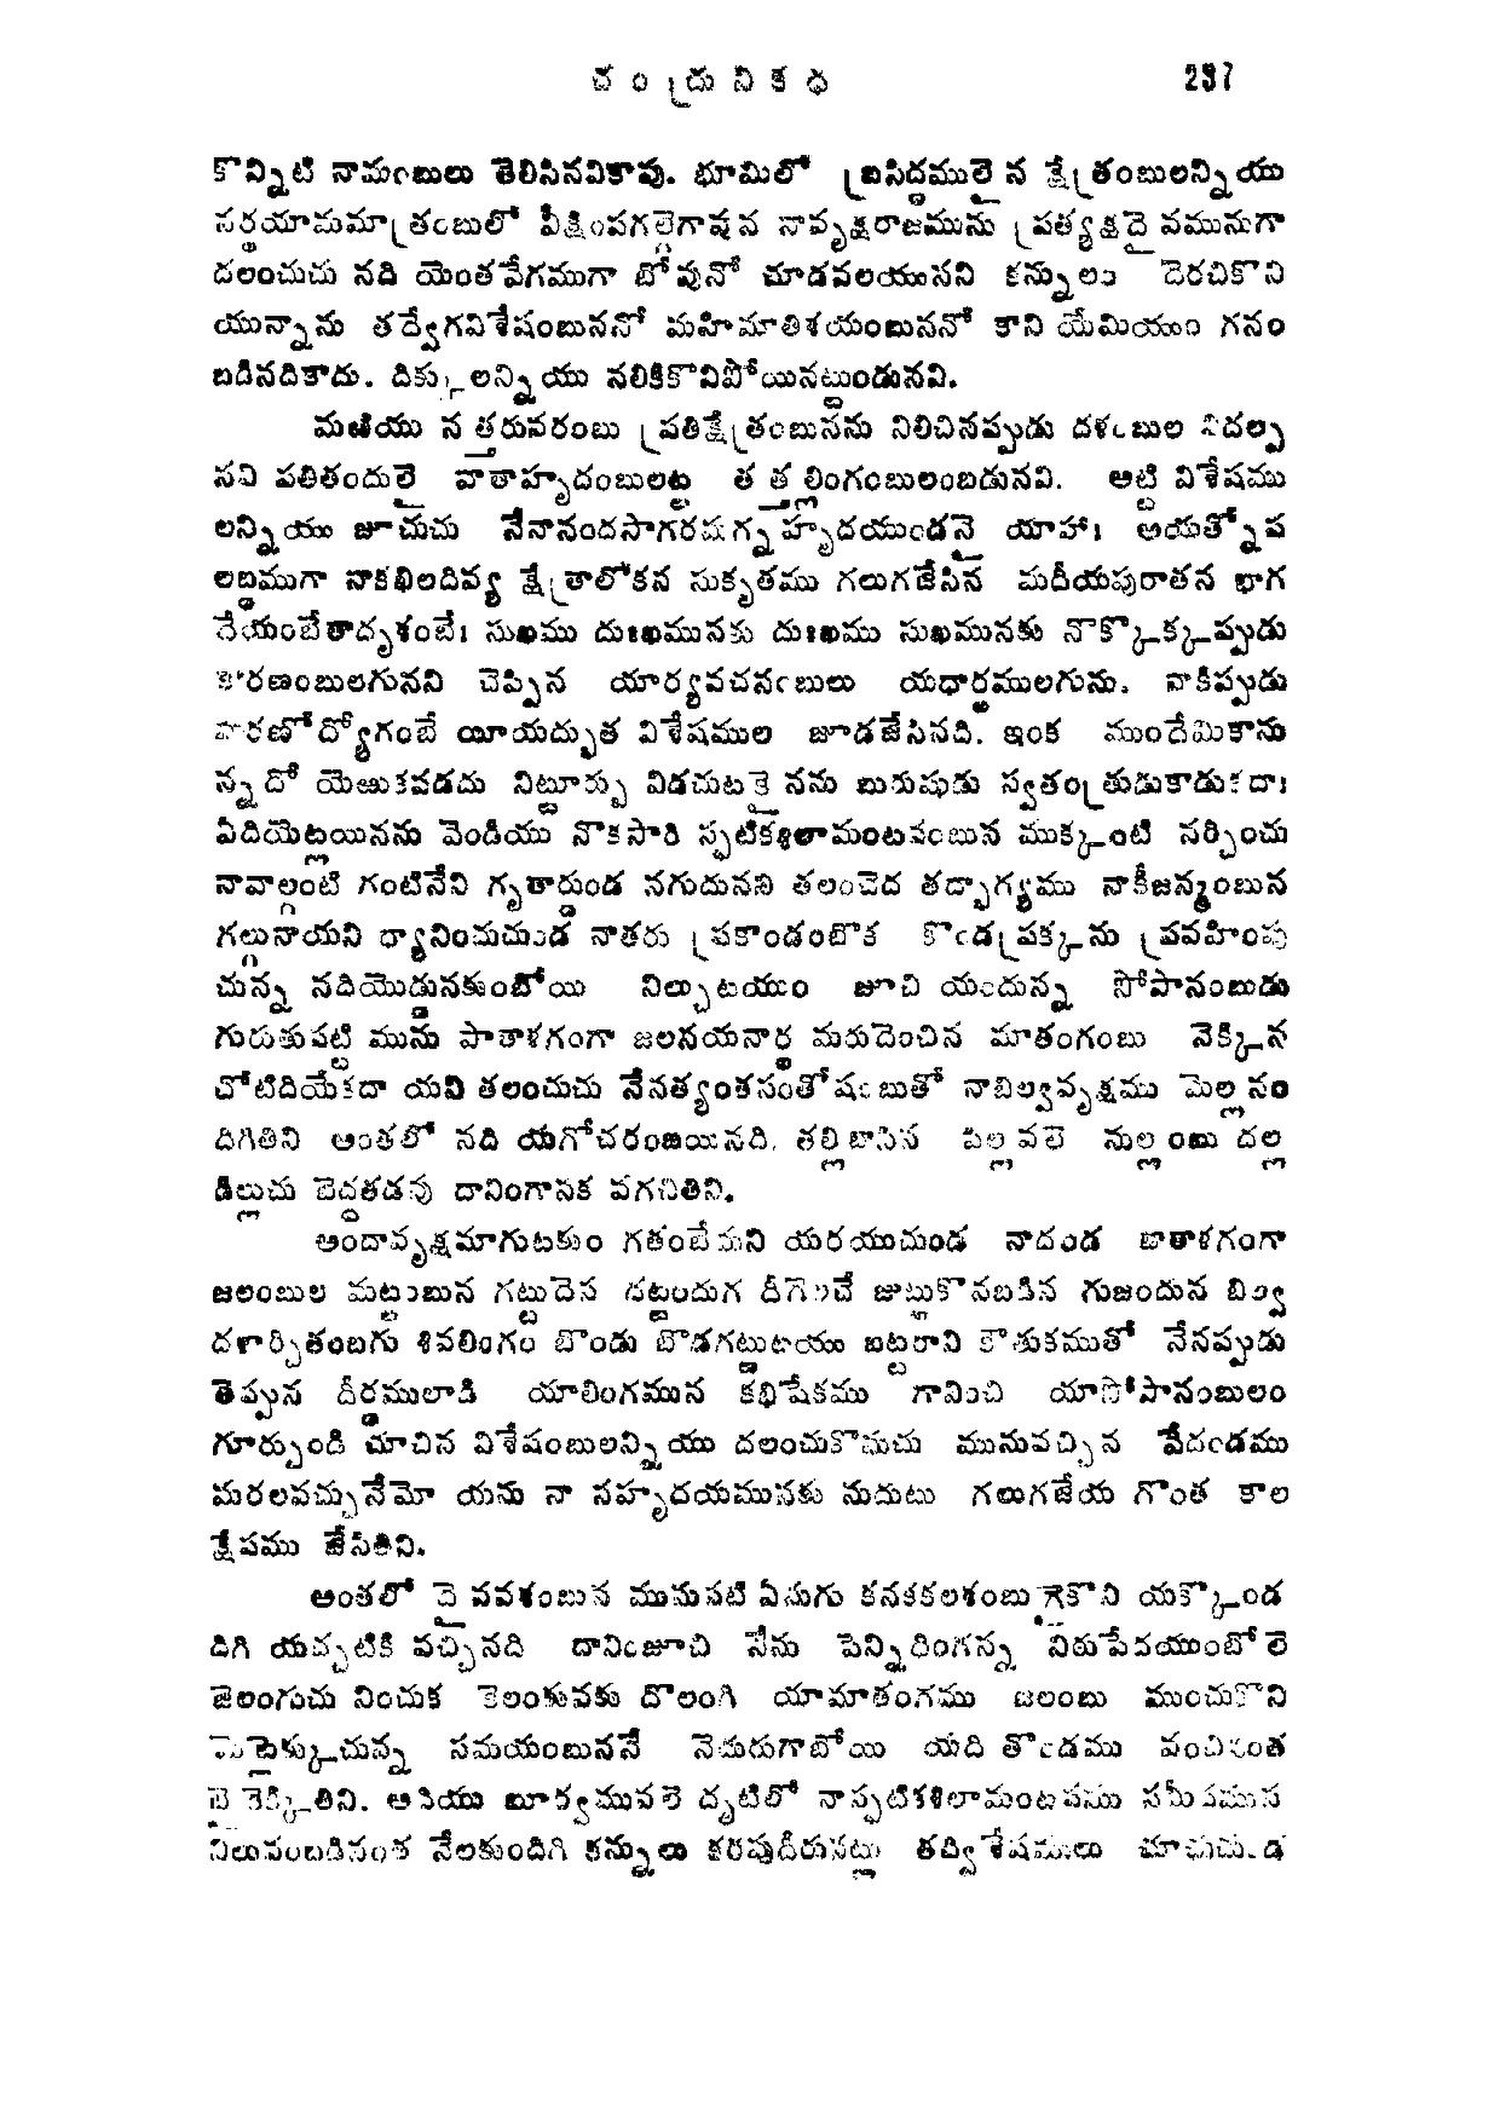కొన్నిటి నామంబులు తెలిసినవికావు. భూమిలో బ్రసిద్ధములైన క్షేత్రంబులన్నియు నర్థయామమాత్రంబులో వీక్షింపగల్గెగావున నావృక్షరాజమును ప్రత్యక్షదైవమునుగా దలంచుచు నది యెంతవేగముగా బోవునో చూడవలయునని కన్నులం దెరచికొని యున్నాను తద్వేగవిశేషంబుననో మహిమాతిశయంబుననో కాని యేమియుం గనంబడినదికాదు. దిక్కులన్నియు నలికికొనిపోయినట్టుండునవి.

మఱియు నత్తరువరంబు ప్రతిక్షేత్రంబునను నిలిచినప్పుడు దళంబుల విదల్పనవి పతితంబులై వాతాహృదంబులట్ట తత్తల్లింగంబులంబడునవి. అట్టి విశేషములన్నియు జూచుచు నేనానందసాగరమగ్న హృదయుండనై యాహా! అయత్నోపలబ్దముగా నాకఖిలదివ్యక్షేత్రాలోకనసుకృతము గలుగజేసిన మదీయపురాతనభాగదేయంబేతాదృశంబే! సుఖము దుఃఖమునకు దుఃఖము సుఖమునకు నొక్కొక్కప్పుడు కారణంబులగునని చెప్పిన యార్యవచనంబులు యథార్థములగును. నాకిప్పుడు వారణోద్యోగంబే యీయద్భుత విశేషముల జూడజేసినది. ఇంక ముందేమికానున్నదో యెఱుకపడదు నిట్టూర్పు విడచుటకై నను బురుషుడు స్వతంత్రుడుకాడుకదా! ఏదియెట్లయినను వెండియు నొకసారి స్ఫటికశిలామంటపంబున ముక్కంటి నర్చించు నావాల్గంటి గంటినేని గృతార్ధుండ నగుదునని తలంచెద తద్భాగ్యము నాకీజన్మంబున గల్గునాయని ధ్యానించుచుండ నాతరుప్రకాండం బొకకొండప్రక్కను ప్రవహింపుచున్న నదియెడ్డునకుంబోయి నిల్చుటయుం జూచి యందున్న సోపానంబులు గురుతుపట్టి మును పాతాళగంగాజలనయనార్థ మరుదెంచిన మాతంగంబు నెక్కిన చోటిదియేకదా యని తలంచుచు నేనత్యంతసంతోషంబుతో నాబిల్వవృక్షము మెల్లనం దిగితిని అంతలో నది యగోచరంబయినది. తల్లిబాసిన పిల్లవలె నుల్లంబు దల్లడిల్లుచు బెదతడవు దానింగానక వగచితిని.

అందావృక్ష మాగుటకుం గతంబేమని యరయుచుండ నాదండ బాతాళగంగాజలంబుల మట్టంబున గట్టుదెస దట్టంబుగ దీగెలచే జుట్టుకొనబడిన గుజందున బిల్వదళార్చితంబగు శివలింగం బొండు బొడగట్టుటయు బట్టరాని కౌతుకముతో నేనప్పుడు తెప్పున దీర్ధములాడి యాలింగమున కభిషేకము గావించి యాసోపానంబులం గూర్చుండి చూచిన విశేషంబులన్నియు దలంచుకొనుచు మునువచ్చిన వేదండము మరలవచ్చు నేమో యను నా సహృదయమునకు నుదుటు గలుగజేయ గొంత కాలక్షేపము జేసితిని.

అంతలో దైవవశంబున మునుపటి ఏనుగు కనకకలశంబు గైకొని యక్కొండ దిగి యచ్చటికి వచ్చినది. దానింజూచి నేను పెన్నిదింగన్న నిరుపేదయుంబో లె జెలంగుచు నించుక కెలంకువకు దొలంగి యామాతంగము జలంబు ముంచుకొని మెట్లెక్కుచున్న సమయంబుననే నెదురుగాబోయి యది తొండము వంచినంత బైకెక్కితిని. అదియు బూర్వమువలె దృటిలో నా స్ఫటికశిలామంటపము సమీపమున నిలువంబడినంత నేలకుందిగి కన్నులు కరవుదీరునట్లు తద్విశేషములు చూచుచుండ